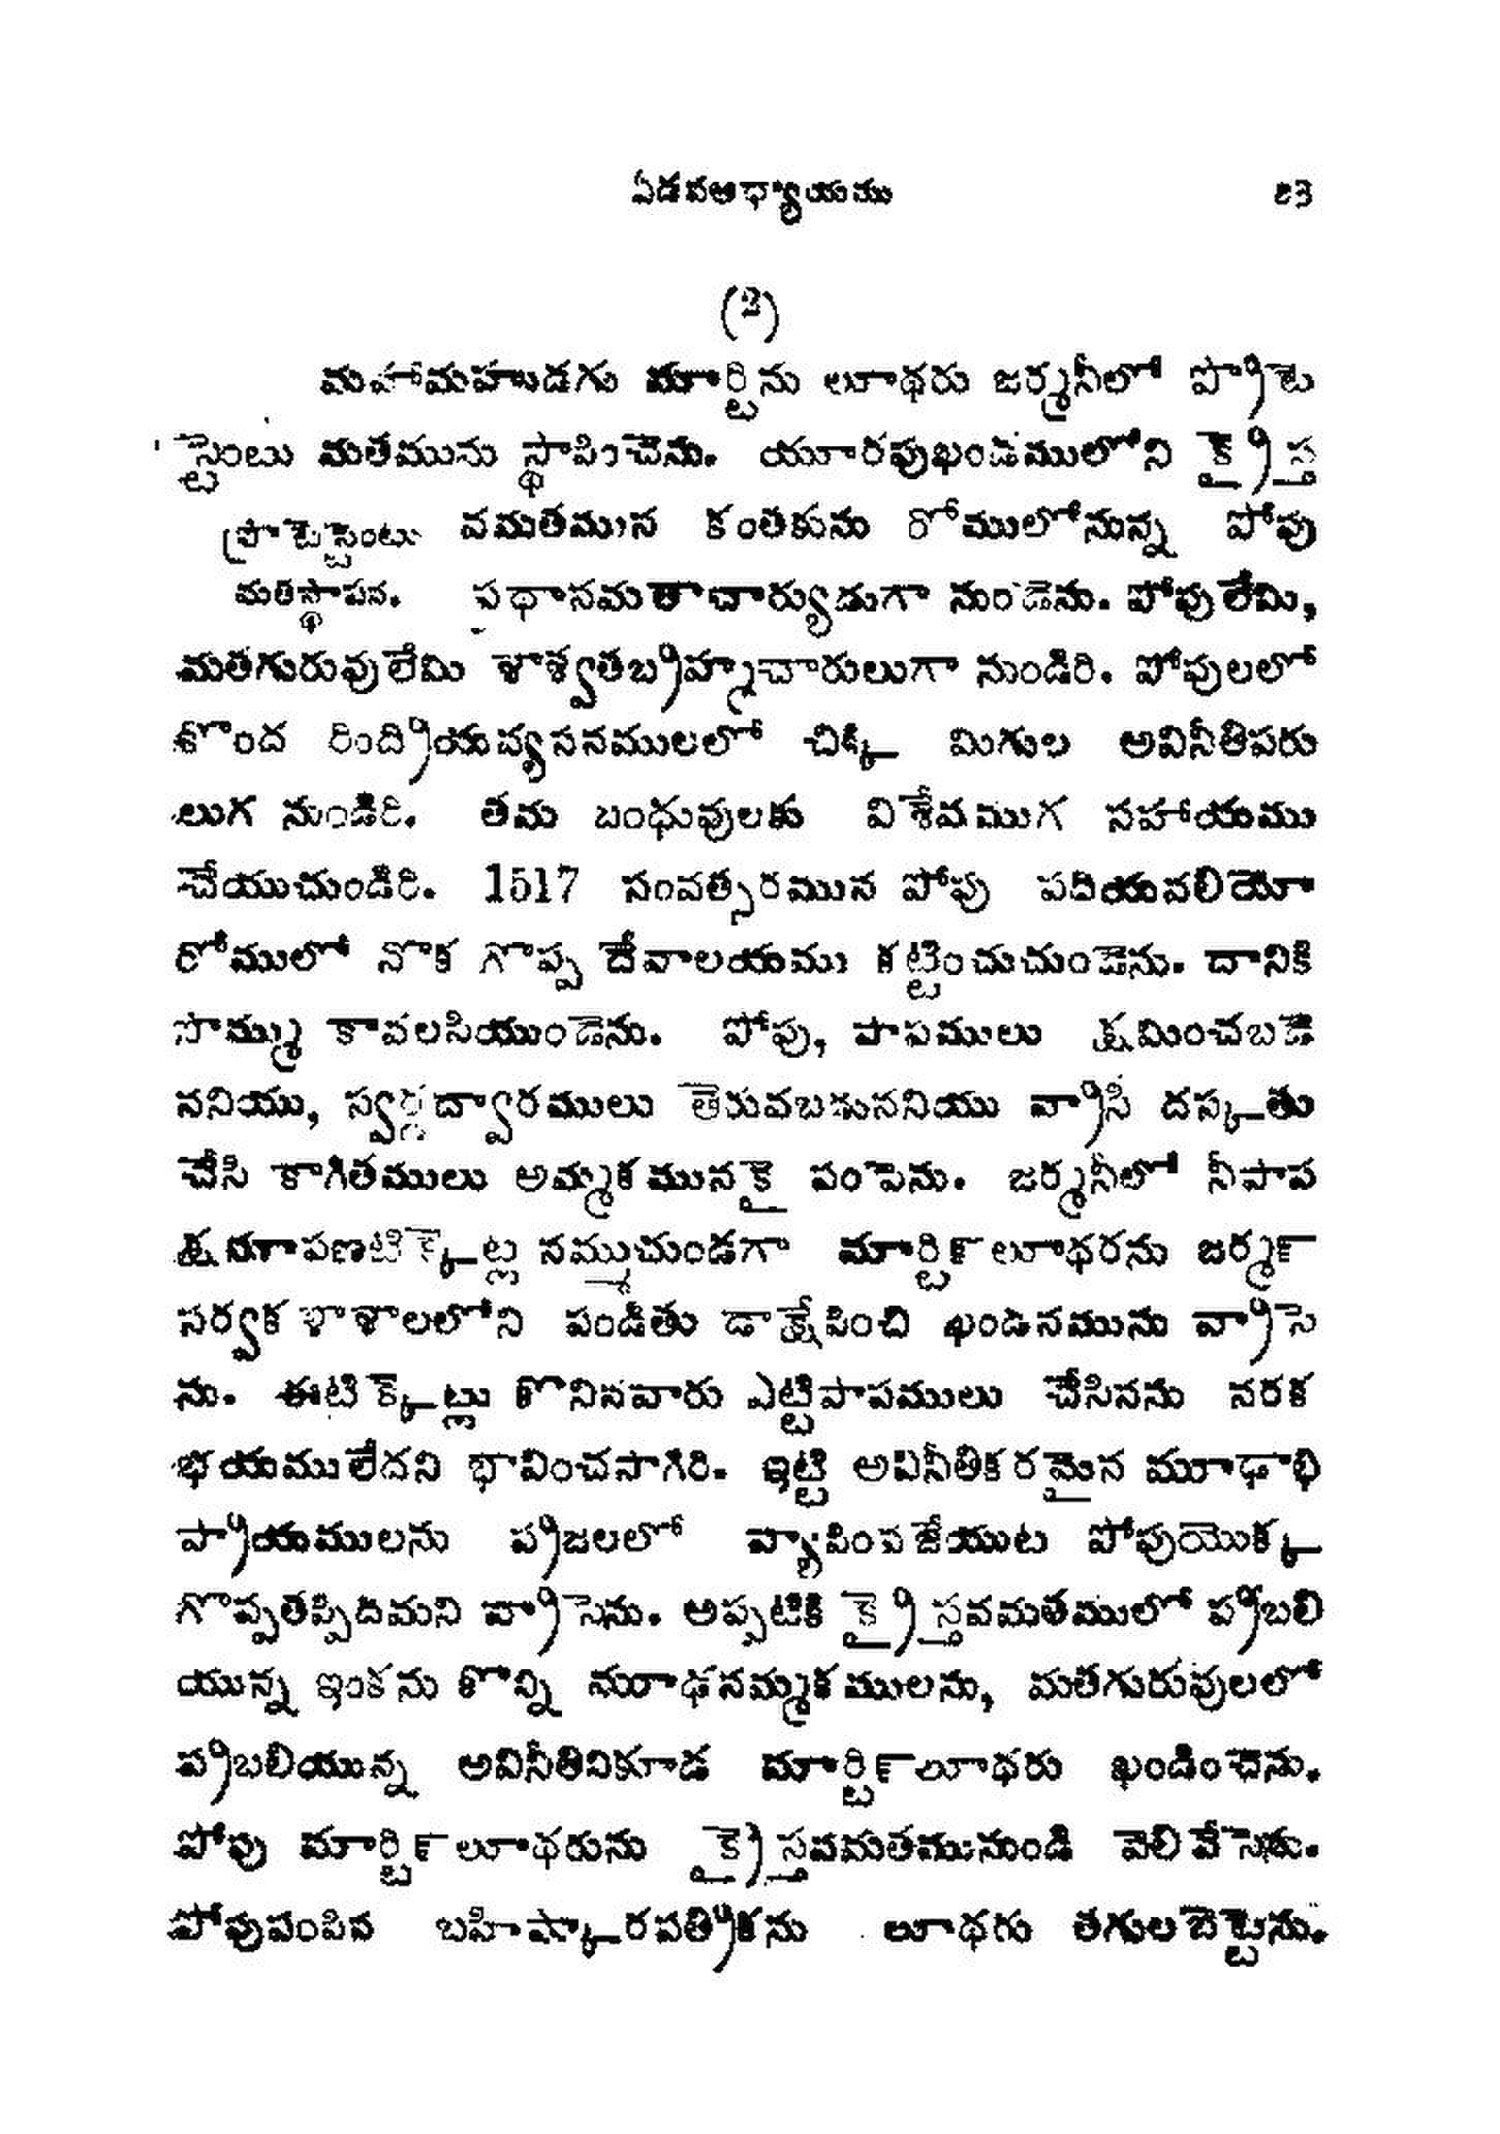ప్రొటెస్టెంటు
మతస్థాపన,
మహామహుడగు మార్టిను లూథరు జర్మనీలో ప్రొట
స్టెంటు మతమును స్థాపించెను. యూరపుఖండములోని క్రైస్త
వమతమున కంతకును రోములోనున్న పోపు
ప్రథాన మతాచార్యుడుగా నుండెను. పోపు లేమి,
మతగురువు లేమి శాశ్వత బ్రహ్మచారులుగా నుండిరి. పోపులలో
కొంద రింద్రియవ్య సనములలో చిక్కి మిగుల అవినీతిపరు
లుగ నుండిరి. తమ బంధువులకు విశేషముగ సహాయము
చేయుచుండిరి. 1517 సంవత్సరమున పోపు పదియవలియో
రోములో నొక గొప్ప దేవా యము కట్టించుచుండెను. దానికి
సొమ్ము కావలసియుండెను. పోపు, పాపములు క్షమించబడె
ననియు, స్వ ర్గద్వారములు తెరువబడుననియు వ్రాసి దస్కతు
చేసి కాగితములు అమ్మకమునకై పంపెను. జర్మనీలో నీపాప
క్షమాపణటిక్కెట్ల సమ్ముచుండగా మార్టిన్ లూథరను జర్మన్
సర్వక ళాశాలలోని పండితు డాక్షేపించి ఖండినమును వ్రాసె
సు. ఈటిక్కెట్లు కొనినవారు ఎట్టిపాపములు చేసినను నరక
భయము లేదని భావించసాగిరి. ఇట్టి అవినీతికరమైన మూఢాభి
ప్రాయములను ప్రజలలో వ్యాపింప జేయుట పోపు యొక్క
గొప్పతప్పిదమని వ్రాసెను. అప్పటికి క్రైస్తవమతములో ప్రబలి
యున్న ఇంకను కొన్ని మూఢ నమ్మకములను, మతగురువులలో
ప్రబలియున్న అవినీతివికూడ మార్టిన్ లూథరు ఖండించెను,
పోపు మార్టిన్ లూథరును క్రైస్తవమతము నుండి వెలివేసెను.
పోపు పంపిన బహిష్కారపత్రికను . లూథను తగులబెట్టెను,